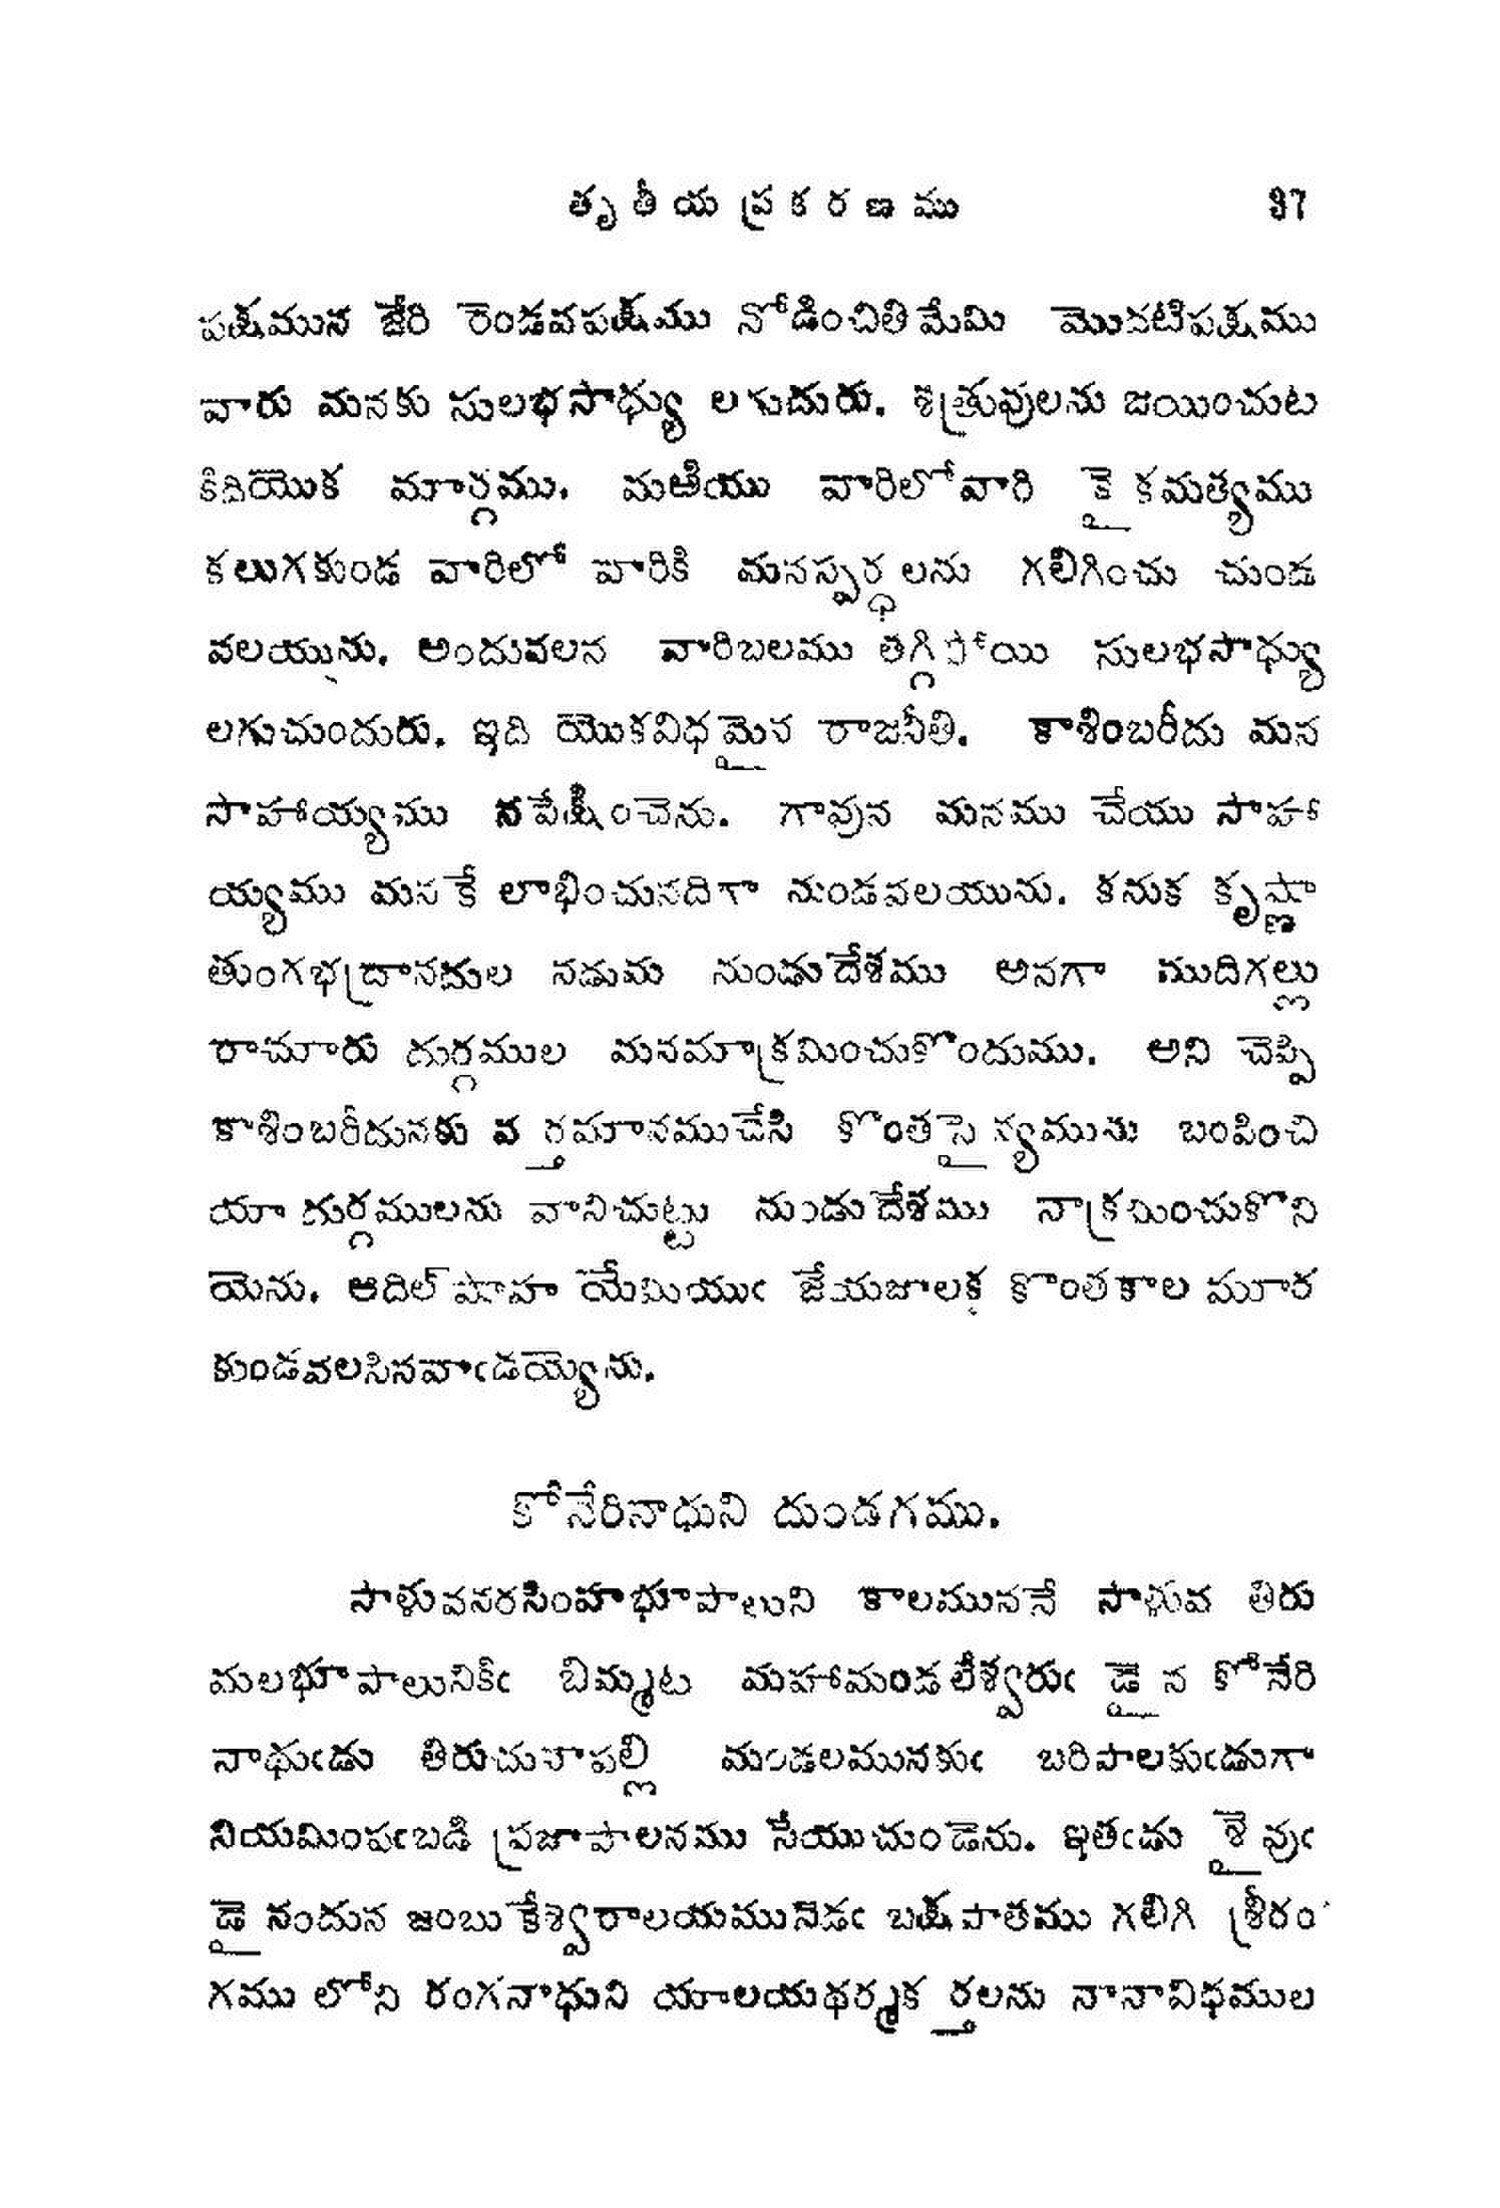పక్షమున జేరి రెండవపక్షము నోడించితిమేమి మొదటిపక్షము వారు మనకు సులభసాధ్యు లగుదురు. శత్రువులను జయించుట కిదియొక మార్గము. మఱియు వారిలోవారి కైకమత్యము కలుగకుండ వారిలో వారికి మనస్పర్ధలను గలిగించు చుండవలయును. అందువలన వారిబలము తగ్గిపోయి సులభసాధ్యు లగుచుందురు. ఇది యొకవిధమైన రాజనీతి. కాశింబరీదు మన సాహాయ్యము నపేక్షించెను. గావున మనము చేయు సాహాయ్యము మనకే లాభించునదిగా నుండవలయును. కనుక కృష్ణా తుంగభద్రానదుల నడుమ నుండుదేశము అనగా ముదిగల్లు రాచూరు దుర్గముల మనమాక్రమించుకొందుము. అని చెప్పి కాశింబరీదునకు వర్తమానముచేసి కొంతసైన్యముసు బంపించి యా దుర్గములను వానిచుట్టు నుండుదేశము నాక్రమించుకొని యెను. ఆదిల్‌షాహ యేమియుఁ జేయజులక కొంతకాల మూరకుండవలసినవాఁడయ్యెను.

కోనేరినాధుని దుండగము. 

సాళువనరసింహభూపాలుని కాలముననే సాళువ తిరుమలభూపాలునికి బిమ్మట మహామండలేశ్వరుఁ డైన కోనేరినాథుఁడు తిరుచునాపల్లి మండలమునకుఁ బరిపాలకుఁడుగా నియమింపఁబడి ప్రజాపాలనము సేయుచుండెను. ఇతఁడు శైవుఁ డైనందున జంబుకేశ్వరాలయమునెడఁ బక్షపాతము గలిగి శ్రీరంగము లోని రంగనాధుని యాలయథర్మక ర్తలను నానావిధముల